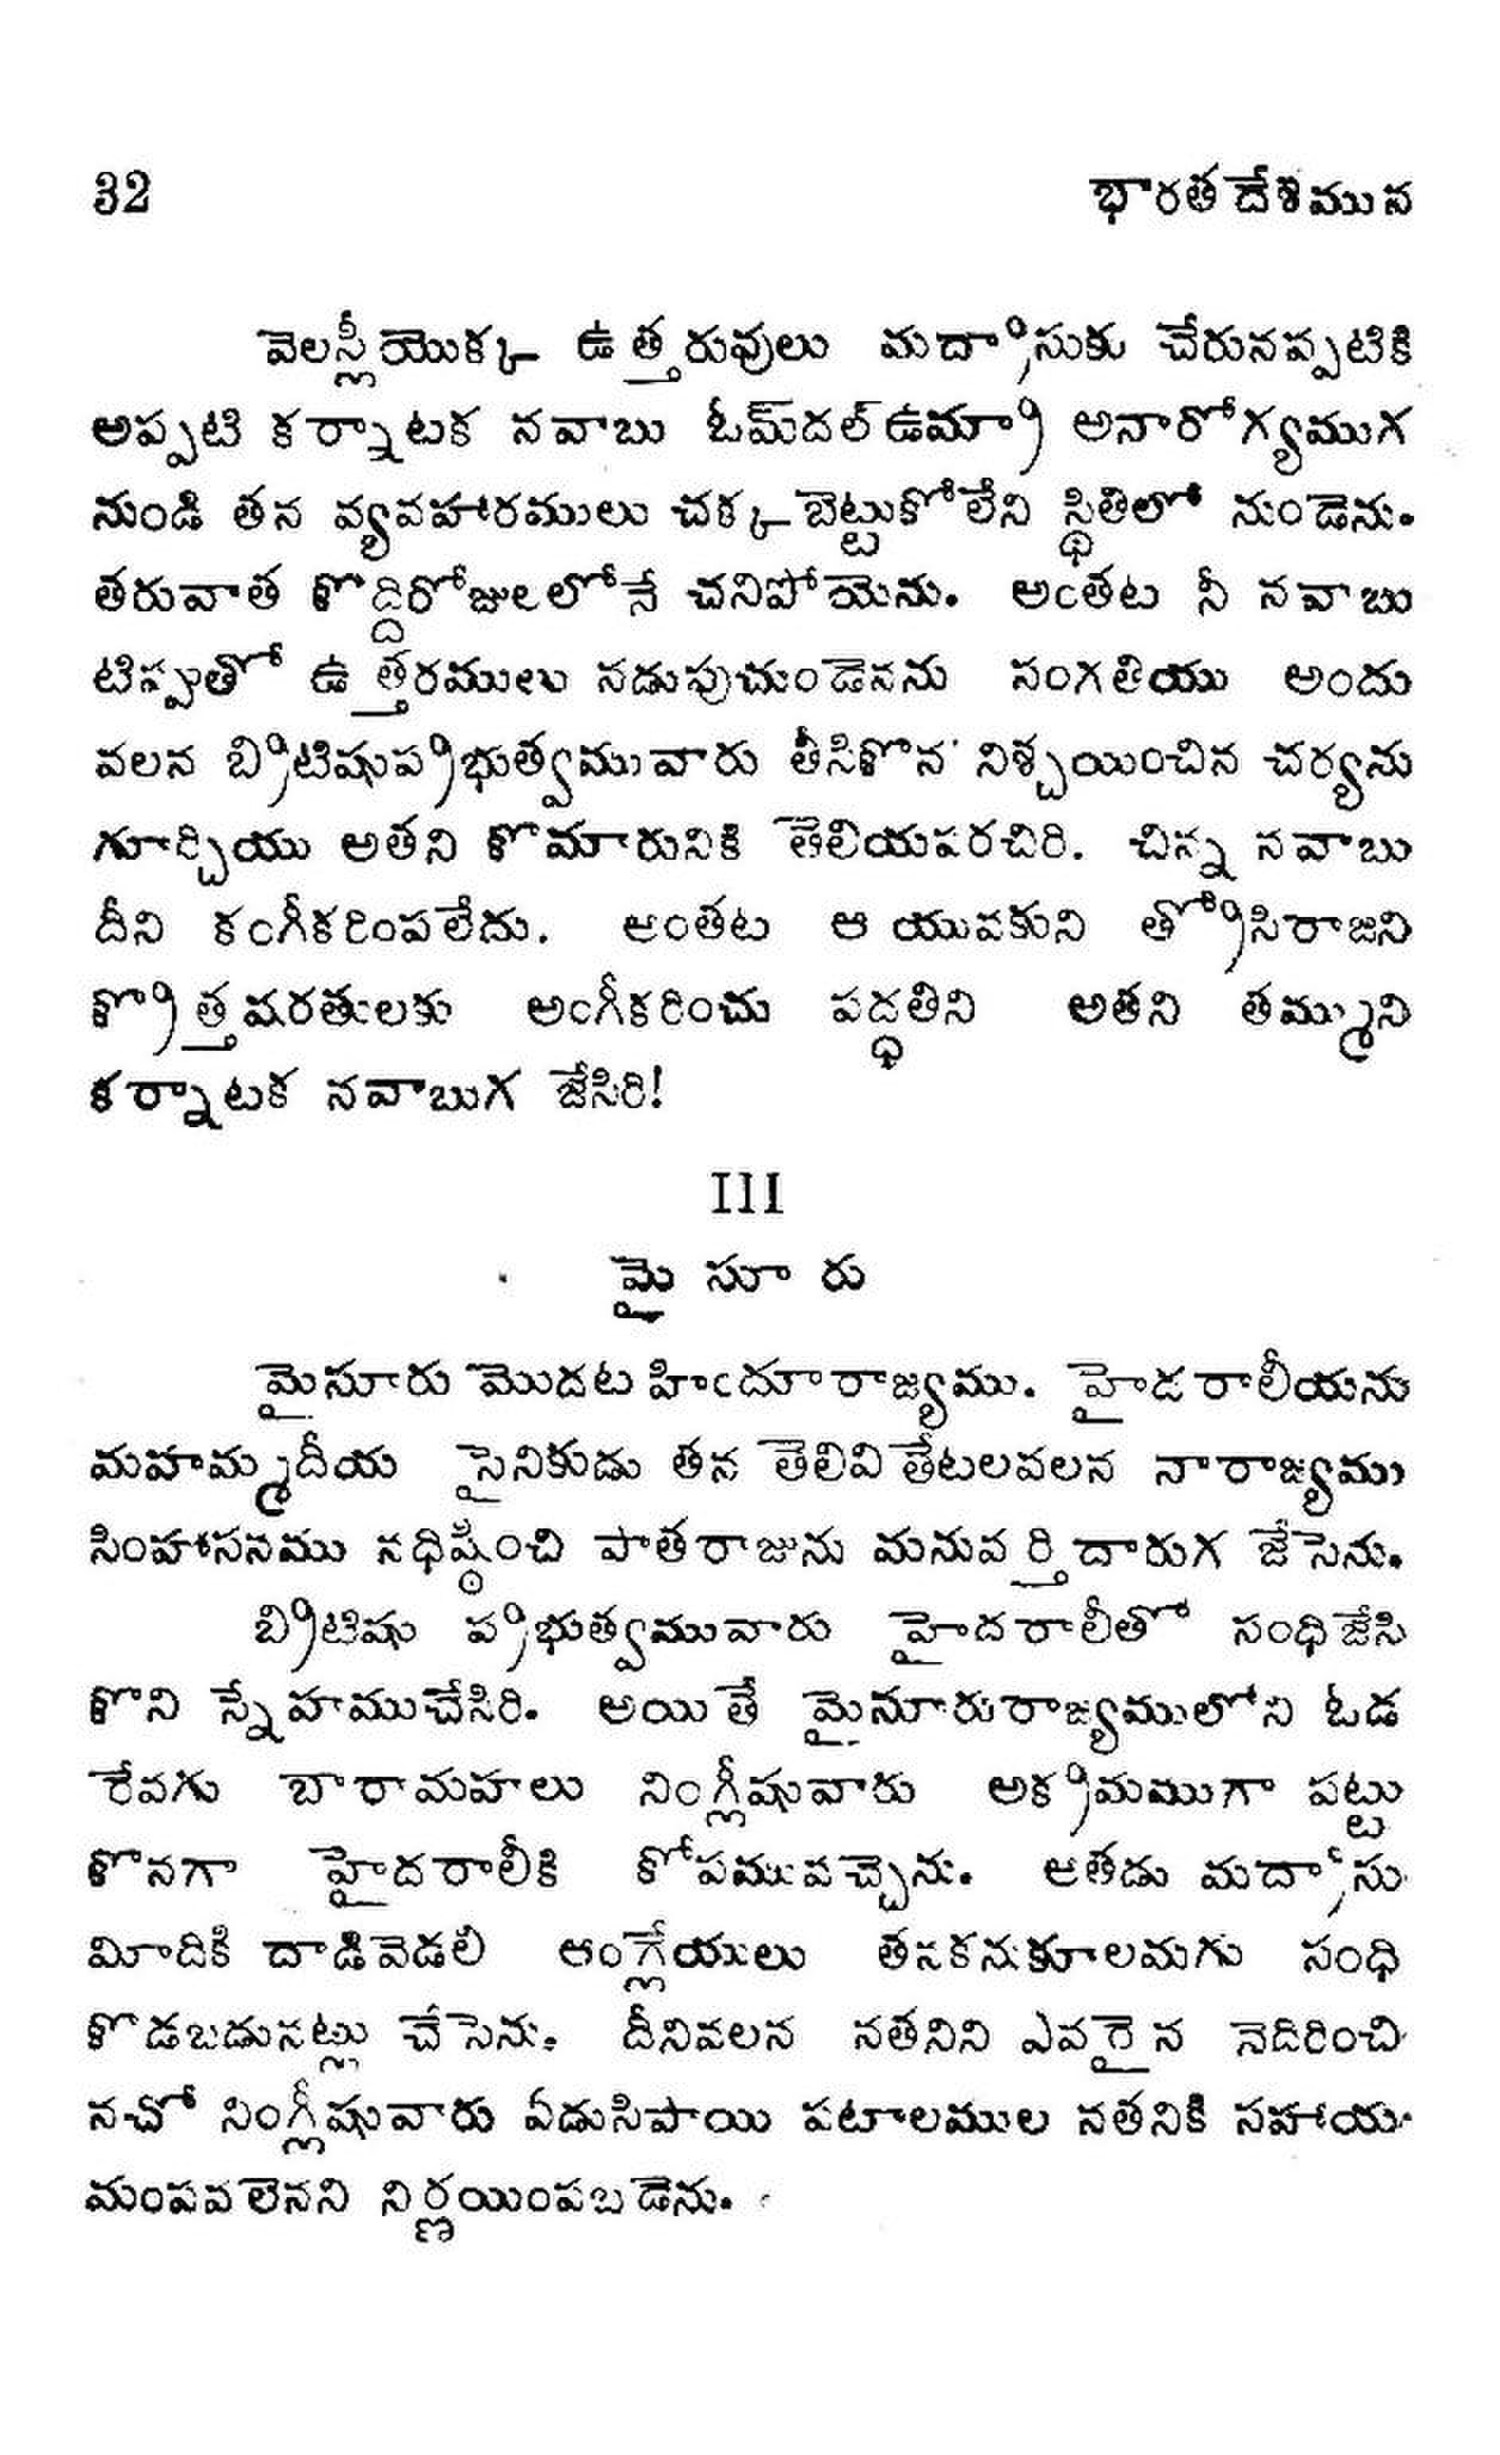వెలస్లీయొక్క ఉత్తరువులు మద్రాసుకు చేరునప్పటికి అప్పటి కర్నాటక నవాబు ఓమ్‌దల్‌ఉమ్రా అనారోగ్యముగ నుండి తన వ్యవహారములు చక్కబెట్టుకోలేని స్థితిలో నుండెను. తరువాత కొద్దిరోజులలోనే చనిపోయెను. అంతట నీ నవాబు టిప్పుతో ఉత్తరములు నడుపుచుండెనను సంగతియు అందువలన బ్రిటిషుప్రభుత్వమువారు తీసికొన నిశ్చయించిన చర్యను గూర్చియు అతని కొమారునికి తెలియపరచిరి. చిన్న నవాబు దీని కంగీకరింపలేదు. అంతట ఆ యువకుని త్రోసిరాజని క్రొత్తషరతులకు అంగీకరించు పద్ధతిని అతని తమ్ముని కర్నాటక నవాబుగ జేసిరి!

III
మైసూరు 

మైసూరు మొదట హిందూరాజ్యము. హైదరాలీయను మహమ్మదీయ సైనికుడు తన తెలివి తేటలవలన నా రాజ్యము సింహాసనము సధిష్టించి పాతరాజును మనువర్తిదారుగ జేసెను.

బ్రిటిషు ప్రభుత్వమువారు హైదరాలీతో సంధిజేసికొని స్నేహముచేసిరి. అయితే మైసూరురాజ్యములోని ఓడ రేవగు బారామహలు నింగ్లీషువారు అక్రమముగా పట్టుకొనగా హైదరాలీకి కోపమువచ్చెను. అతడు మద్రాసు మీదికి దాడివెడలి ఆంగ్లేయులు తసకనుకూలమగు సంధి కొడబడునట్లు చేసెను. దీనివలన నతనిని ఎవరైన నెదిరించినచో నింగ్లీషువారు ఏడుసిపాయి పటాలముల నతనికి సహాయ మంపవలెనని నిర్ణయింపబడెను. .